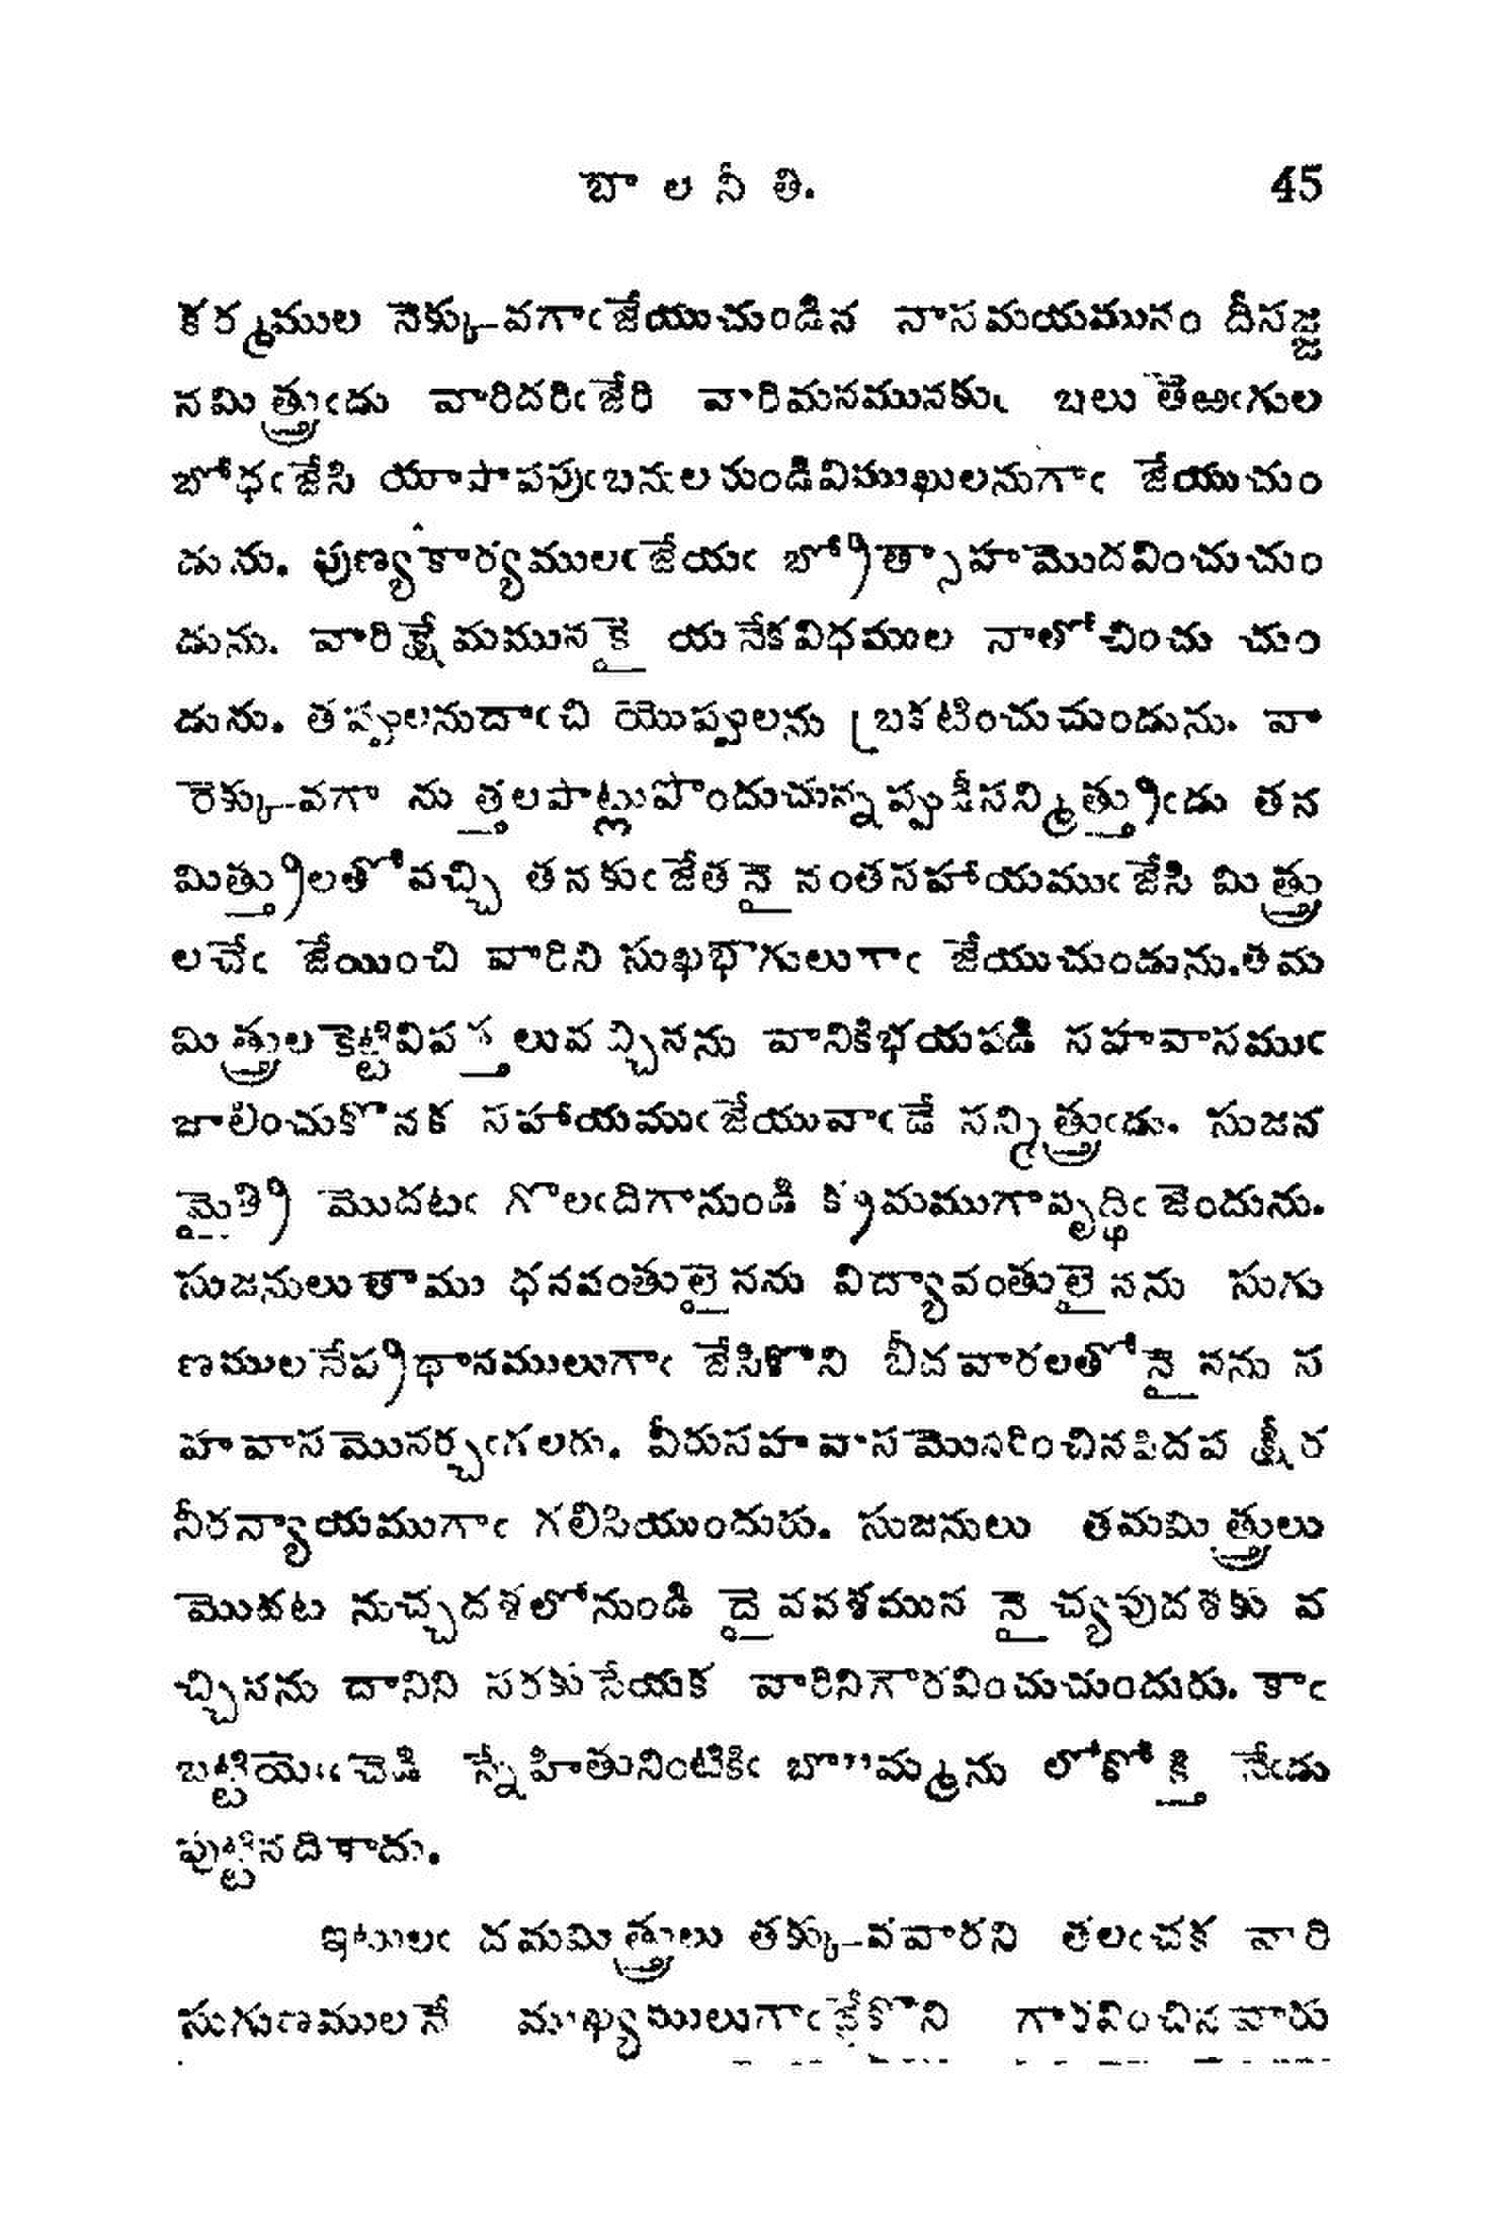కర్మముల నెక్కువగాఁజేయుచుండిన నాసమయమునం దీసజ్జ
నమిత్రుఁడు వారిదరిఁజేరి వారిమనమునకుఁ బలు తెఱగుల 
బోధఁజేసి యాపాపపుఁబనులనుండి విముఖులనుగాఁ జేయుచుం
డును. పుణ్యకార్యములఁజేయఁ బ్రోత్సాహమొదవించుచుం
డును. వారిక్షేమమునకై యనేకవిధముల నాలోచించు చుం
డును. తప్పులనుదాఁచి యొప్పులను బ్రకటించుచుండును. వా
రెక్కువగా నుత్తలపాట్లుపొందుచున్నప్పుడీ సన్మిత్త్రుఁడు తన 
మిత్త్రులతోవచ్చి తనకుఁజేతనైనంత సహాయముఁజేసి మిత్త్రు
లచేఁ జేయించి వారిని సుఖభాగులుగాఁ జేయుచుండును. తమ 
మిత్త్రులకెట్టి విపత్తులువచ్చినను వానికిభయపడి సహవాసముఁ 
జాలించుకొనక సహాయముఁజేయువాఁడే సన్మిత్త్రుఁడు. సుజన
మైత్రి మొదటఁ గొలఁదిగానుండి క్రమముగావృద్ధిఁ జెందును. 
సుజనులుతాము ధనవంతులైనను విద్యావంతులైనను సుగు
ణములనేప్రథానములుగాఁ జేసికొని బీదవారలతోనైనను స
హవాసమొనర్చఁగలరు. వీరుసహవాసమొనరించినపిదప క్షీర
నీరన్యాయముగాఁ గలిసియుందురు. సుజనులు తమమిత్త్రులు 
మొదట నుచ్చదశలోనుండి దైవవశమున నైచ్యపుదశకు వ
చ్చినను దానిని సరకుసేయక వారినిగౌరవించుచుందురు. కాఁ
బట్టియె "చెడి స్నేహితునింటికిఁ బొ"మ్మను లోకోక్తి నేఁడు 
పుట్టినదికాదు.

ఇటులఁ దమమిత్త్రులు తక్కువవారని తలఁచక వారి 
సుగుణములనే ముఖ్యములుగాఁజేకొని గారవించినవారు